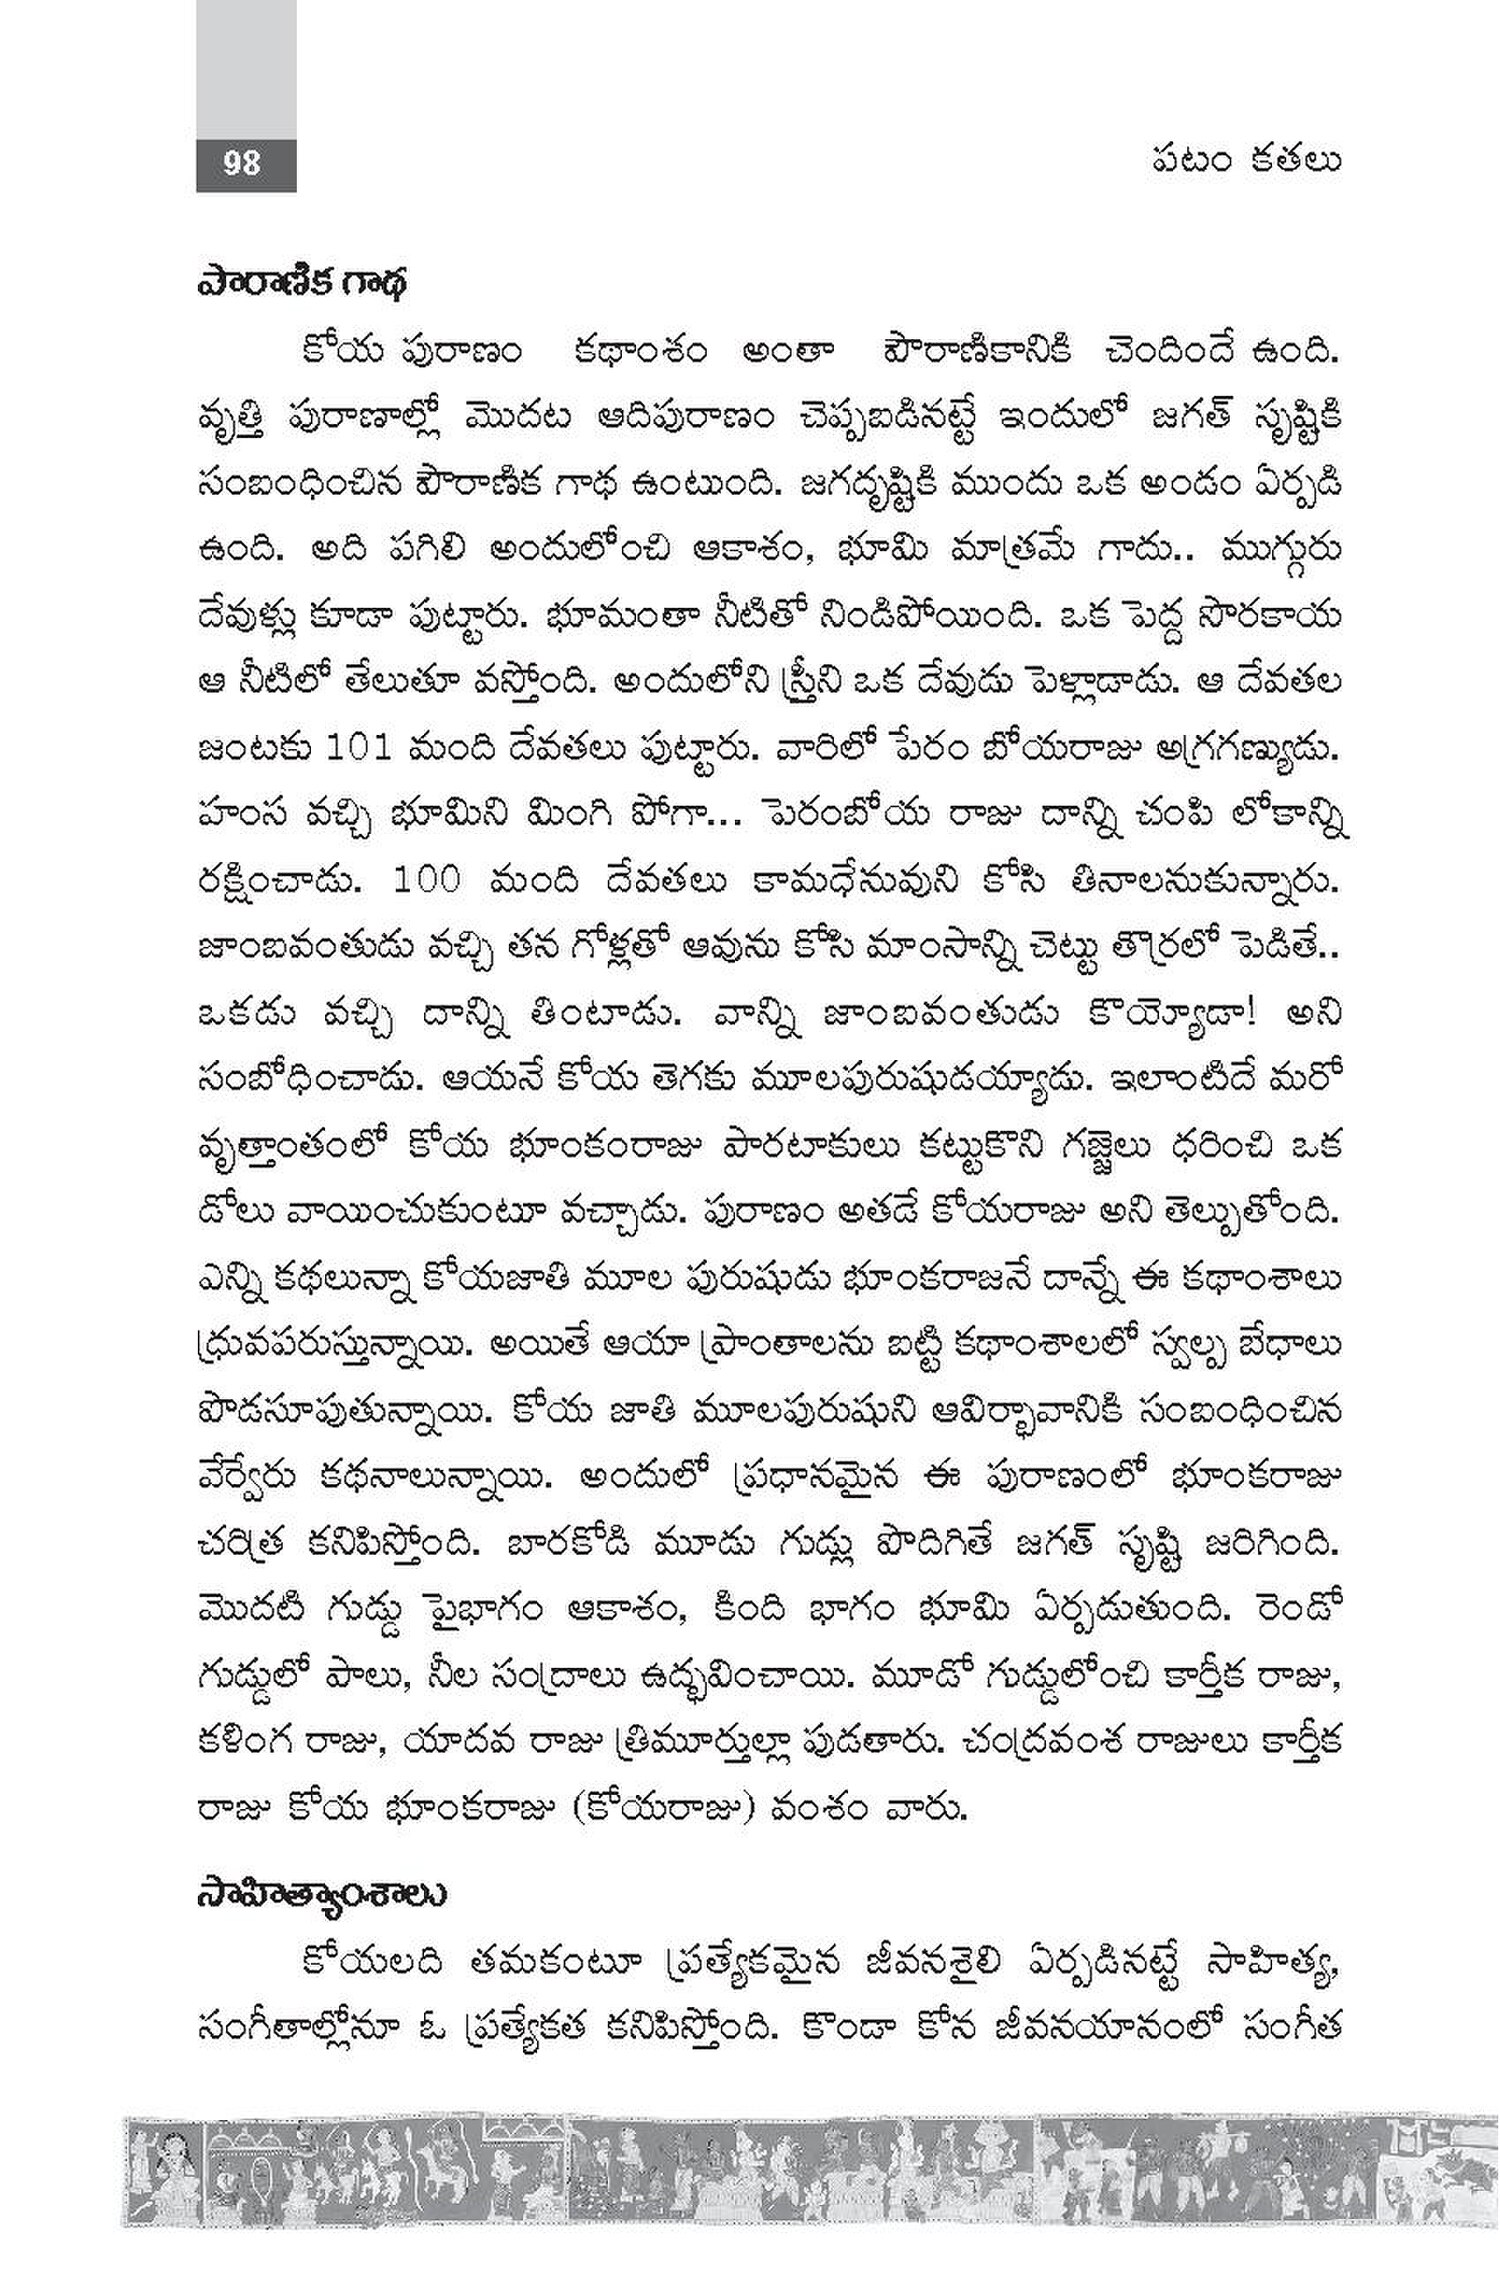పారాణిక గాథ 

కోయ పురాణం కథాంశం అంతా పౌరాణికానికి చెందిందే ఉంది. వృత్తి పురాణాల్లో మొదట ఆదిపురాణం చెప్పబడినట్టే ఇందులో జగత్ సృష్టికి సంబంధించిన పౌరాణిక గాథ ఉంటుంది. జగదృష్టికి ముందు ఒక అండం ఏర్పడి ఉంది. అది పగిలి అందులోంచి ఆకాశం, భూమి మాత్రమే గాదు.. ముగ్గురు దేవుళ్లు కూడా పుట్టారు. భూమంతా నీటితో నిండి పోయింది. ఒక పెద్ద సొరకాయ ఆ నీటిలో తేలుతూ వస్తోంది. అందులోని స్త్రీని ఒక దేవుడు పెళ్లాడాడు. ఆ దేవతల జంటకు 101 మంది దేవతలు పుట్టారు. వారిలో పేరం బోయరాజు అగ్రగణ్యుడు. హంస వచ్చి భూమిని మింగి పోగా... పెరంబోయ రాజు దాన్ని చంపి లోకాన్ని రక్షించాడు. 100 మంది దేవతలు కామధేనువుని కోసి తినాలనుకున్నారు.
జాంబవంతుడు వచ్చి తన గోళ్లతో ఆవును కోసి మాంసాన్ని చెట్టు తొర్రలో పెడితే.. ఒకడు వచ్చి దాన్ని తింటాడు. వాన్ని జాంబవంతుడు కొయ్యోడా! అని సంబోధించాడు. ఆయనే కోయ తెగకు మూలపురుషుడయ్యాడు. ఇలాంటిదే మరో
వృత్తాంతంలో కోయ భూంకంరాజు పారటాకులు కట్టుకొని గజ్జెలు ధరించి ఒక డోలు వాయించుకుంటూ వచ్చాడు. పురాణం అతడే కోయరాజు అని తెల్పుతోంది. ఎన్ని కథలున్నా కోయజాతి మూల పురుషుడు భూంకరాజనే దాన్నే ఈ కథాంశాలు
ధ్రువపరుస్తున్నాయి. అయితే ఆయా ప్రాంతాలను బట్టి కథాంశాలలో స్వల్ప బేధాలు పొడసూపుతున్నాయి. కోయ జాతి మూలపురుషుని ఆవిర్భావానికి సంబంధించిన వేర్వేరు కథనాలున్నాయి. అందులో ప్రధానమైన ఈ పురాణంలో భూంకరాజు చరిత్ర కనిపిస్తోంది. బారకోడి మూడు గుడ్లు పొదిగితే జగత్ సృష్టి జరిగింది. మొదటి గుడ్డు పైభాగం ఆకాశం, కింది భాగం భూమి ఏర్పడుతుంది. రెండో గుద్దులో పాలు, నీల సంద్రాలు ఉద్భవించాయి. మూడో గుడ్డులోంచి కార్తీక రాజు, కళింగ రాజు, యాదవ రాజు త్రిమూర్తుల్లా పుడతారు. చంద్రవంశ రాజులు కార్తీక రాజు కోయ భూంకరాజు (కోయరాజు) వంశం వారు.

సాహిత్యాంశాలు 

కోయలది తమకంటూ ప్రత్యేకమైన జీవనశైలి ఏర్పడినట్టే సాహిత్య, సంగీతాల్లోనూ ఓ ప్రత్యేకత కనిపిస్తోంది. కొండా కోన జీవనయానంలో సంగీత